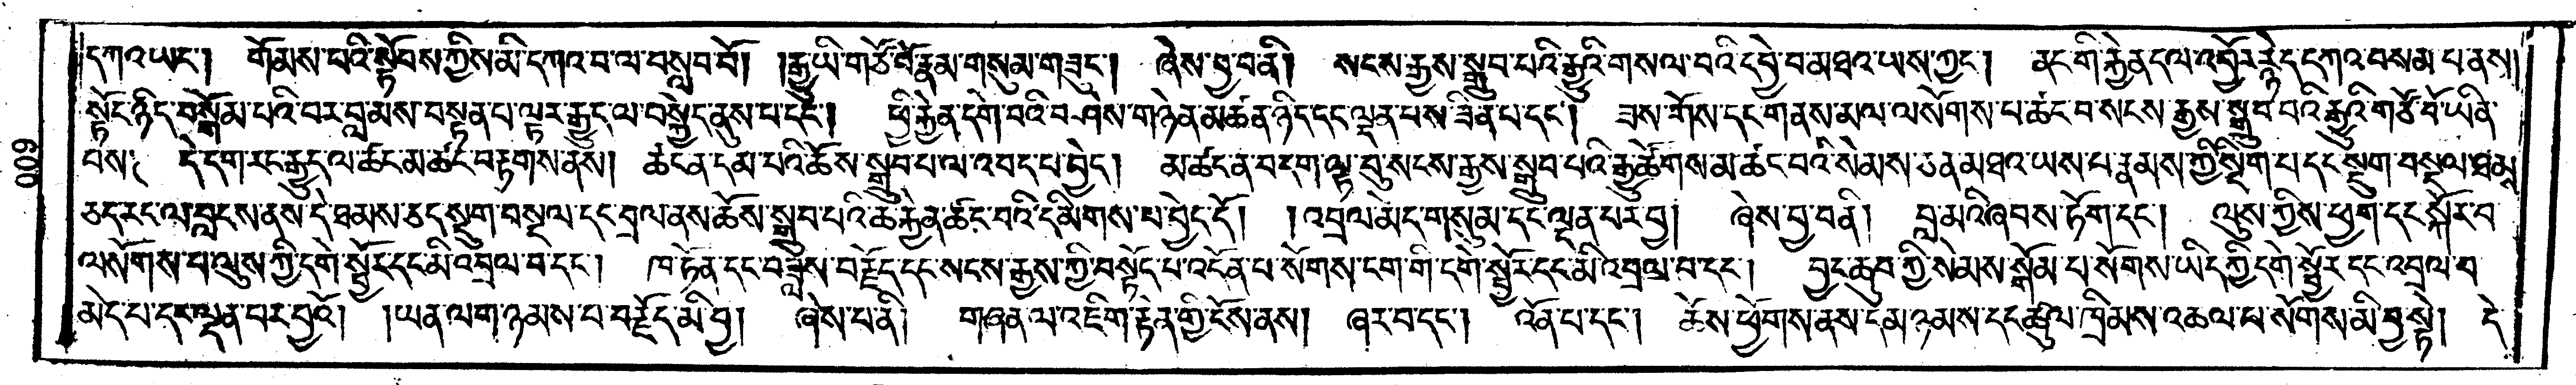དཀའ་ཡང་། གོམས་པའི་སྟོབས་ཀྱིས་མི་དཀའ་བ་ལ་བསླབ་བོ། །རྒྱུ་ཡི་གཙོ་བོ་རྣམ་གསུམ་གཟུང་། ཞེས་བྱ་བ་ནི། སངས་རྒྱས་སྒྲུབ་པའི་རྒྱུའི་གསལ་བའི་དབྱེ་བ་མཐའ་ཡས་ཀྱང་། ནང་གི་རྐྱེན་དལ་འབྱོར་རྙེད་དཀའ་བསམ་པ་ནས།
སྟོང་ཉིད་བསྒོམ་པའི་བར་བླ་མས་བསྟན་པ་ལྟར་རྒྱུད་ལ་བསྐྱེད་ནུས་པ་དང་། ཕྱི་རྐྱེན་དགེ་བའི་བཤེས་གཉེན་མཚན་ཉིད་དང་ལྡན་པས་ཟིན་པ་དང་། ཟས་གོས་དང་གནས་མལ་ལ་སོགས་པ་ཚང་བ་སངས་རྒྱས་སྒྲུབ་པའི་རྒྱུའི་གཙོ་བོ་ཡིན་
བས༑ དེ་དག་རང་རྒྱུད་ལ་ཚང་མ་ཚང་བརྟགས་ནས། ཚང་ན་དམ་པའི་ཆོས་སྒྲུབ་པ་ལ་འབད་པ་བྱེད། མ་ཚང་ན་བདག་ལྟ་བུ་སངས་རྒྱས་སྒྲུབ་པའི་རྒྱུ་ཚོགས་མ་ཚང་བའི་སེམས་ཅན་མཐའ་ཡས་པ་རྣམས་ཀྱི་སྡིག་པ་དང་སྡུག་བསྔལ་ཐམས་
ཅད་རང་ལ་བླངས་ནས་དེ་ཐམས་ཅད་སྡུག་བསྔལ་དང་བྲལ་ནས་ཆོས་སྒྲུབ་པའི་ཆ་རྐྱེན་ཚང་བའི་དམིགས་པ་བྱེད་དོ། །འབྲལ་མེད་གསུམ་དང་ལྡན་པར་བྱ། ཞེས་བྱ་བ་ནི། བླ་མའི་ཞབས་ཏོག་དང་། ལུས་ཀྱིས་ཕྱག་དང་སྐོར་བ་
ལ་སོགས་པ་ལུས་ཀྱི་དགེ་སྦྱོར་དང་མི་འབྲལ་བ་དང་། ཁ་ཏོན་དང་བཟླས་བརྗོད་དང་སངས་རྒྱས་ཀྱི་བསྟོད་པ་འདོན་པ་སོགས་ངག་གི་དགེ་སྦྱོར་དང་མི་འབྲལ་བ་དང་། བྱང་ཆུབ་ཀྱི་སེམས་སྒོམ་པ་སོགས་ཡིད་ཀྱི་དགེ་སྦྱོར་དང་འབྲལ་བ་
མེད་པ་དང་ལྡན་པར་བྱའོ། །ཡན་ལག་ཉམས་པ་བརྗོད་མི་བྱ། ཞེས་པ་ནི། གཞན་ལ་འཇིག་རྟེན་གྱི་ངོས་ནས། ཞར་བ་དང་། འོན་པ་དང་། ཆོས་ཕྱོགས་ནས་དམ་ཉམས་དང་ཚུལ་ཁྲིམས་འཆལ་པ་སོགས་མི་བྱ་སྟེ། དེ་